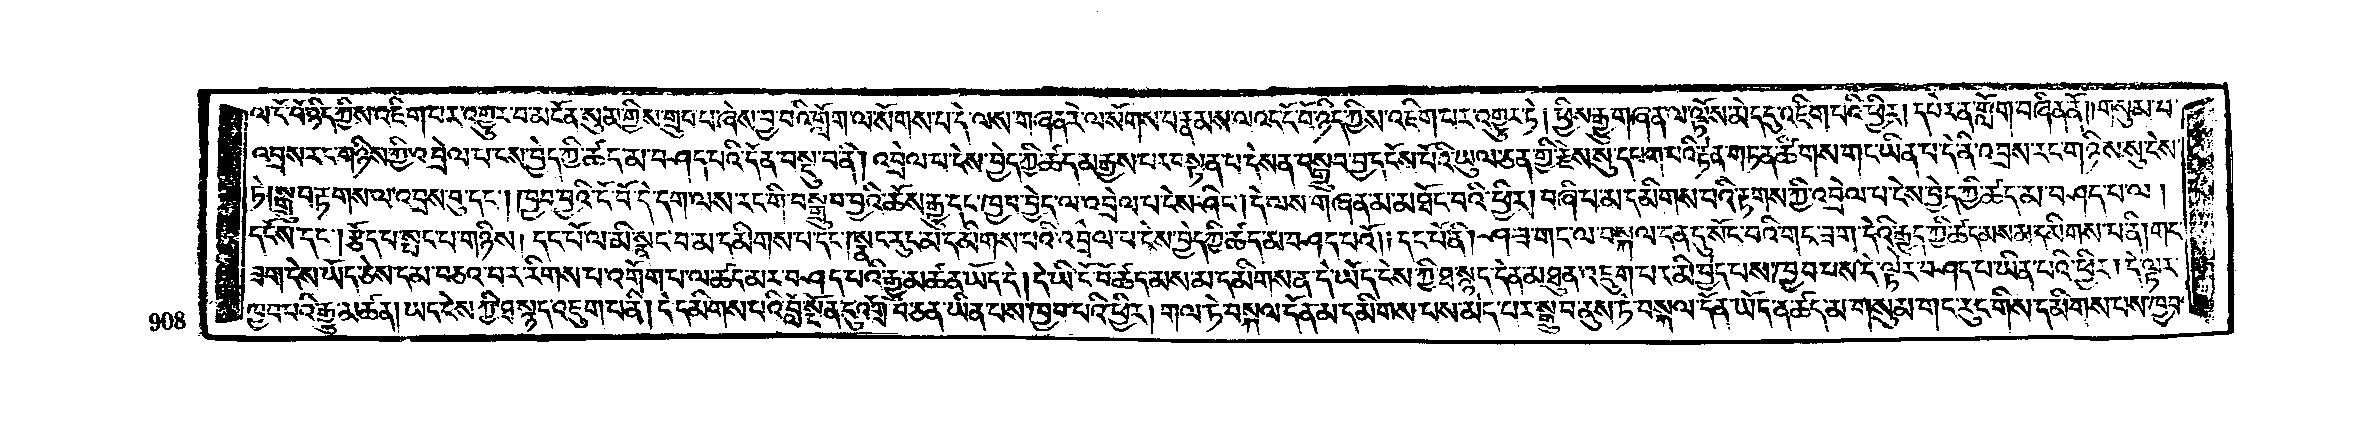ལ་ངོ་བོ་ཉིད་ཀྱིས་འཇིག་པར་འགྱུར་བ་མངོན་སུམ་གྱིས་གྲུབ་པ་ཞེས་བྱ་བའི་གློག་ལ་སོགས་པ་དེ་ལས་གཞན་རེ་ལ་སོགས་པ་རྣམས་ལའང་ངོ་བོ་ཉིད་ཀྱིས་འཇིག་པར་འགྱུར་ཏེ། ཕྱིས་རྒྱུ་གཞན་ལ་ལྟོས་མེད་དུ་འཇིག་པའི་ཕྱིར། དཔེར་ན་གློག་བཞིན་ནོ། །གསུམ་པ་
འབྲས་རང་གཉིས་ཀྱི་འབྲེལ་པ་ངེས་བྱེད་ཀྱི་ཚད་མ་བཤད་པའི་དོན་བསྡུ་བ་ནི། འབྲེལ་པ་ངེས་བྱེད་ཀྱི་ཚད་མ་རྒྱས་པར་བསྟན་པ་དེས་ན་བསྒྲུབ་བྱ་དངོས་པོའི་ཡུལ་ཅན་གྱི་རྗེས་སུ་དཔག་པའི་རྟེན་གཏན་ཚིགས་གང་ཡིན་པ་དེ་ནི་འབྲས་རང་གཉིས་སུ་ངེས་
ཏེ། སྒྲུབ་རྟགས་ལ་འབྲས་བུ་དང་། ཁྱབ་བྱའི་ངོ་བོ་དེ་དག་ལས་རང་གི་བསྒྲུབ་བྱའི་ཆོས་རྒྱུ་དང་ཁྱབ་བྱེད་ལ་འབྲེལ་པ་ངེས་ཤིང་། དེ་ལས་གཞན་མ་མཐོང་བའི་ཕྱིར། བཞི་པ་མ་དམིགས་པའི་རྟགས་ཀྱི་འབྲེལ་པ་ངེས་བྱེད་ཀྱི་ཚད་མ་བཤད་པ་ལ།
དངོས་དང་། རྩོད་པ་སྤང་པ་གཉིས། དང་པོ་ལ་མི་སྣང་བ་མ་དམིགས་པ་དང་། སྣང་རུང་མ་དམིགས་པའི་འབྲེལ་པ་ངེས་བྱེད་ཀྱི་ཚད་མ་བཤད་པའོ། །དང་པོ་ནི། ཤ་ཟ་གང་ལ་བསྐལ་དན་དུ་སོང་བའི་གང་ཟག་དེའི་རྒྱུད་ཀྱི་ཚད་མས་མ་དམིགས་པ་ནི། གང་
ཟག་དེས་ཡོད་ཅེས་དམ་བཅའ་བར་རིགས་པ་འགོག་པ་ལ་ཚད་མར་བཤད་པའི་རྒྱུ་མཚན་ཡོད་དེ། དེ་ཡི་ངོ་བོ་ཚད་མས་མ་དམིགས་ན་དེ་ཡོད་ངེས་ཀྱི་ཐ་སྙད་དེན་མཐུན་འཇུག་པར་མི་བྱེད་པས་ཁྱབ་པས་དེ་ལྟར་བཤད་པ་ཡིན་པའི་ཕྱིར། དེ་ལྟར་
ཁྱབ་པའི་རྒྱུ་མཚན། ཡང་ངེས་ཀྱི་ཐ་སྙད་འཇུག་པ་ནི། དེ་དམིགས་པའི་བློ་སྔོན་དུ་འགྲོ་བ་ཅན་ཡིན་པས་ཁྱབ་པའི་ཕྱིར། གལ་ཏེ་བསྐལ་དོན་མ་དམིགས་པས་མེད་པར་སྒྲུབ་ནུས་ཏེ། བསྐལ་དོན་ཡོད་ན་ཚད་མ་གསུམ་གང་རུང་གིས་དམིགས་པས་ཁྱབ་